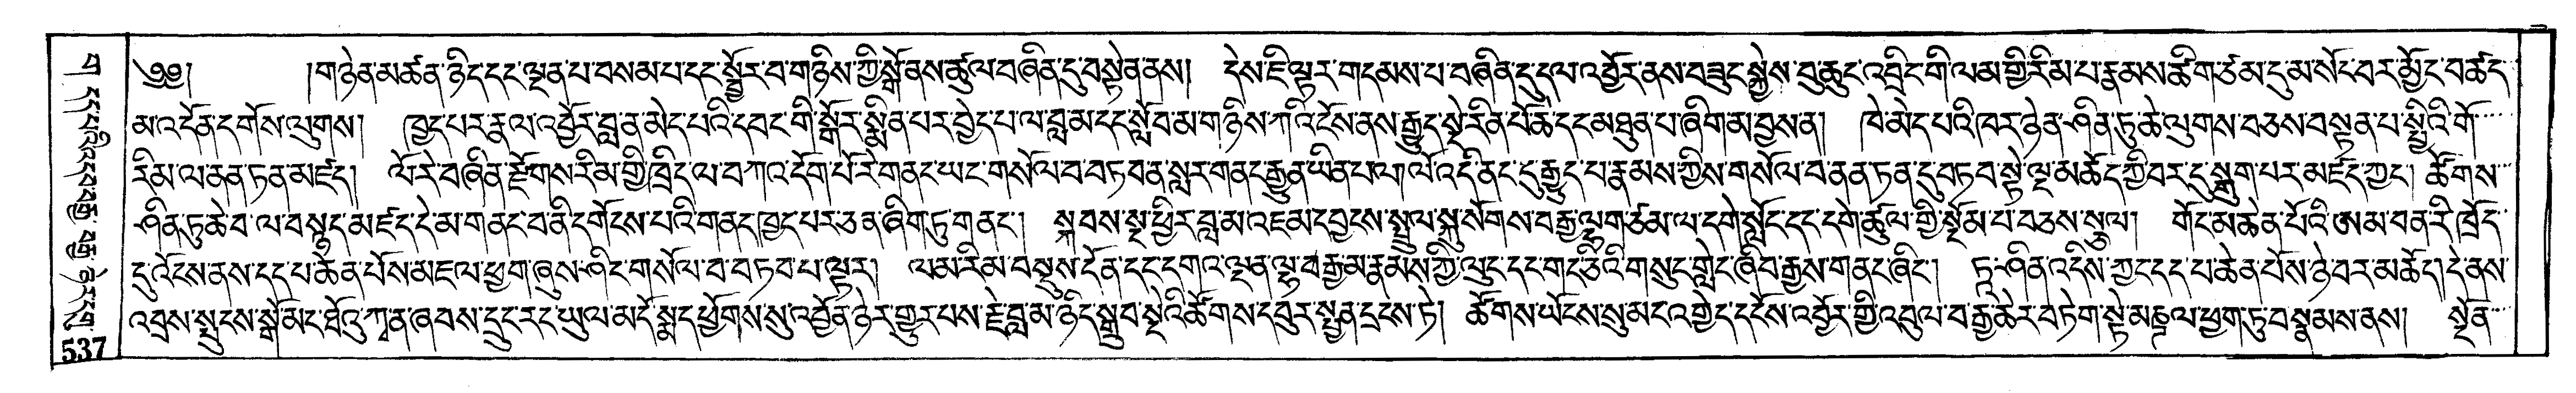༄༅། །གཉེན་མཚན་ཉིད་དང་ལྡན་པ་བསམ་པ་དང་སྦྱོར་བ་གཉིས་ཀྱི་སྒོ་ནས་ཚུལ་བཞིན་དུ་བསྟེན་ནས། དེས་ཇི་ལྟར་གདམས་པ་བཞིན་དུ་དལ་འབྱོར་ནས་བཟུང་སྐྱེས་བུ་ཆུང་འབྲིང་གི་ལམ་གྱི་རིམ་པ་རྣམས་ཚིག་ཙམ་དུ་མ་སོང་བར་མྱོང་བ་ཚང་
མ་འདོན་དགོས་ལུགས། ཁྱད་པར་རྣལ་འབྱོར་བླ་ན་མེད་པའི་དབང་གི་སྒྲོ་སྨིན་པར་བྱེད་བ་ལ་བླ་མ་དང་སློབ་མ་གཉིས་ཀའི་ངོས་ནས་རྒྱུད་སྡེ་རིན་པོ་ཆེ་དང་མཐུན་པ་ཞིག་མ་བྱས་ན། ཁེ་མེད་པའི་ཁར་ཉེན་ཤིན་ཏུ་ཆེ་ལུགས་བཅས་བསྟན་པ་སྤྱིའི་གོ་
རིམ་ལ་ནན་ཏན་མཛད། ལོ་རེ་བཞིན་རྫོགས་རིམ་གྱི་ཁྲིད་ལ་བཀའ་དོག་པོ་རེ་གནང་ཡང་གསོལ་བ་བཏབ་ན་སླར་གནང་རྒྱུན་ཡིན་པ་ལ། ལོ་འདི་ནང་དུ་རྒྱུད་པ་རྣམས་ཀྱིས་གསོལ་བ་ནན་ཏན་དུ་བཏབ་སྟེ་ལྔ་མཆོད་ཀྱི་བར་དུ་སྒུག་བང་མཛད་ཀྱང་། ཚོགས་
ཤིན་ཏུ་ཆེ་བ་ལ་བསྙད་མཛད་དེ་མ་གནང་ཁ་ནི་དགོངས་པའི་གནང་ཁྱད་པར་ཅན་ཞིག་ཏུ་གནང་། སྐབས་སྔ་ཕྱིར་བླ་མ་འཇམ་དབྱངས་སྤྲུལ་སྐུ་སོགས་བརྒྱ་ལྟག་ཙམ་ལ་དགེ་སློང་དང་དགེ་ཚུལ་གྱི་སྡོམ་པ་བཅས་སྩལ། གོང་མ་ཆེན་པོའི་ཨམ་བན་རི་ཁྲོད་
དུ་འོངས་ནས་དད་བ་ཆེན་པོས་མཇལ་ཕྱག་ཞུས་ཤིང་གསོལ་བ་བཏབ་པ་ལྟར། ལམ་རིམ་བསྡུས་དོན་དང་དགའ་ལྡན་ལྷ་བརྒྱ་མ་རྣམས་ཀྱི་ལུང་དང་གང་ཅིའི་གསུང་གླེང་ཞིབ་རྒྱས་གནང་ཞིང་། ཏཱ་ཤིན་འདིས་ཀྱང་དད་བ་ཆེན་པོས་ཉེ་བར་མཆོད། དེ་ནས་
འབྲས་སྤུངས་སྒོ་མང་ཐོའུ་ཀྭན་ཞབས་དྲུང་རང་ཡུལ་མདོ་སྨད་ཕྱོགས་སུ་འབྱོན་ཉེར་གྱུར་བས་རྗེ་བླ་མ་ཉིད་སྒྲུབ་སྡེའི་ཚོགས་དབུར་སྦྱན་དྲངས་ཏེ། ཚོགས་ཡོངས་སུ་མང་འགྱེད་དངོས་འབྱོར་གྱི་འབུལ་བ་རྒྱ་ཆེར་བཏེག་སྟེ་མཎྜལ་ཕྱག་ཏུ་བསྣམས་ནས། སྔོན་